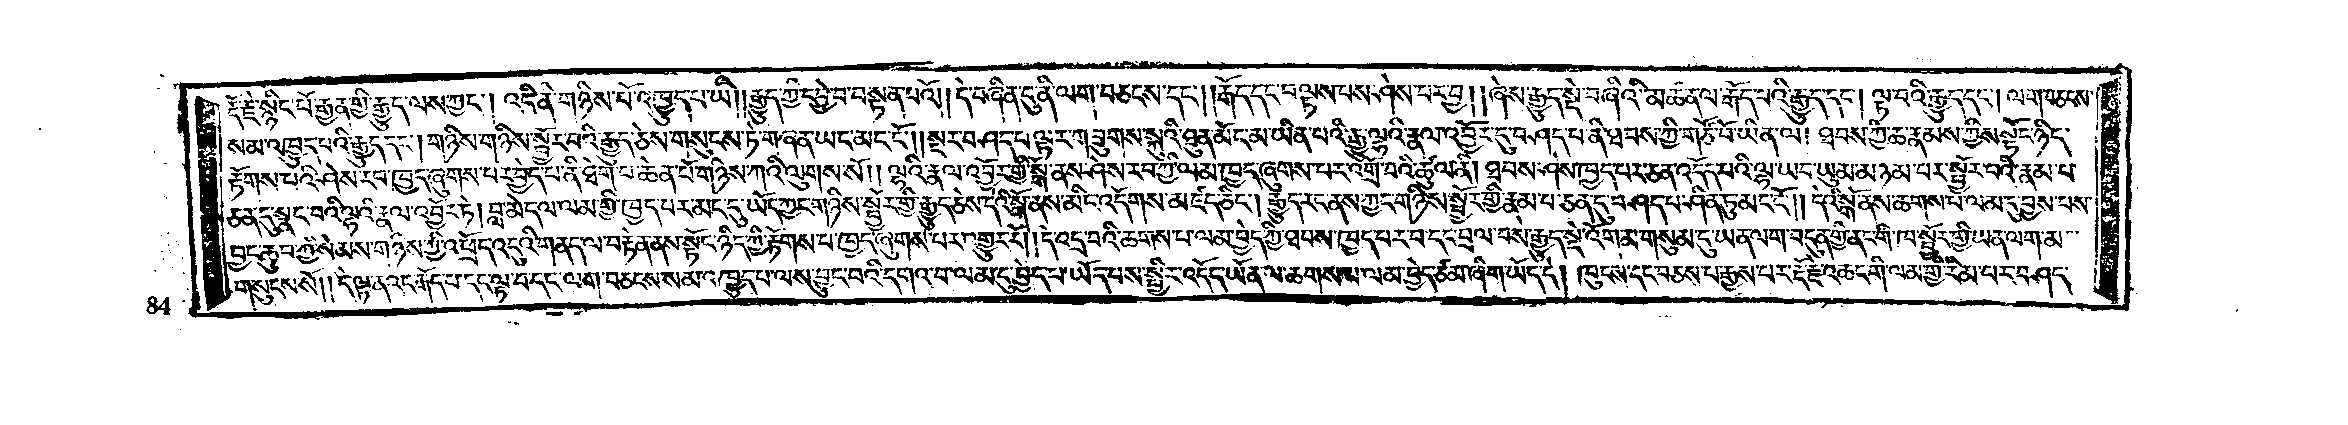རྡོ་རྗེ་སྙིང་པོ་རྒྱན་གྱི་རྒྱུད་ལས་ཀྱང་། འདི་ནི་གཉིས་པོ་འཁྱུད་པ་ཡི། །རྒྱུད་ཀྱི་དབྱེ་བ་བསྟན་པའོ། །དེ་བཞིན་དུ་ནི་ལག་བཅངས་དང་། །རྒོད་དང་བལྟས་པས་ཤེས་པར་བྱ། །ཞེས་རྒྱུད་སྡེ་བཞིའི་མཚན་ལ་རྒོད་པའི་རྒྱུད་དང་། ལྟ་བའི་རྒྱུད་དང་། ལག་བཅངས་
སམ་འཁྱུད་པའི་རྒྱུད་དང་། གཉིས་གཉིས་སྦྱོར་བའི་རྒྱུད་ཅེས་གསུངས་ཏེ་གཞན་ཡང་མང་ངོ། །སྔར་བཤད་པ་ལྟར་གཟུགས་སྐུའི་ཐུན་མོང་མ་ཡིན་པའི་རྒྱུ་ལྷའི་རྣལ་འབྱོར་དུ་བཤད་པ་ནི་ཐབས་ཀྱི་གཙོ་བོ་ཡིན་ལ། ཐབས་ཀྱི་ཆ་རྣམས་ཀྱིས་སྟོང་ཉིད་
རྟོགས་པའི་ཤེས་རབ་ཁྱད་ཞུགས་པར་བྱེད་པ་ནི་ཐེག་པ་ཆེན་པོ་གཉིས་ཀའི་ལུགས་སོ། །ལྷའི་རྣལ་འབྱོར་གྱི་སྒོ་ནས་ཤེས་རབ་ཀྱི་ལམ་ཁྱད་ཞུགས་པར་འགྲོ་བའི་ཚུལ་ནི། ཐབས་ཤེས་ཁྱད་པར་ཅན་འདོད་པའི་ལྷ་ཡབ་ཡུམ་མཉམ་པར་སྦྱོར་བའི་རྣམ་པ་
ཅན་དུ་སྣང་བའི་ལྷའི་རྣལ་འབྱོར་ཏེ། བླ་མེད་ལ་ལམ་གྱི་ཁྱད་པར་མང་དུ་ཡོད་ཀྱང་གཉིས་སྦྱོར་གྱི་རྒྱུད་ཅེས་དེའི་སྒོ་ནས་མིང་འདོགས་མཛད་ཅིང་། རྒྱུད་རང་ནས་ཀྱང་གཉིས་སྦྱོར་གྱི་རྣམ་པ་ཅན་དུ་བཤད་པ་ཤིན་ཏུ་མང་ངོ། །དེའི་སྒོ་ནས་ཆགས་པ་ལམ་དུ་བྱས་པས་
བྱང་ཆུབ་ཀྱི་སེམས་གཉིས་ཀྱི་འཕྲོད་འདུའི་གནད་ལ་བརྟེན་ནས་སྟོང་ཉིད་ཀྱི་རྟོགས་པ་ཁྱད་ཞུགས་པར་འགྱུར་རོ། །དེ་འདྲ་བའི་ཆགས་པ་ལམ་བྱེད་ཀྱི་ཐབས་ཁྱད་པར་བ་དང་བྲལ་བས་རྒྱུད་སྡེ་འོག་མ་གསུམ་དུ་ཡན་ལག་བདུན་གྱི་ནང་གི་ཁ་སྦྱོར་གྱི་ཡན་ལག་མ་
གསུངས་སོ། །དེ་ལྟ་ནའང་རྒོད་པ་དང་ལྟ་བ་དང་ལག་བཅངས་སམ་འཁྱུད་པ་ལས་བྱུང་བའི་དགའ་བ་ལམ་དུ་བྱེད་པ་ཡོད་པས་སྤྱིར་འདོད་ཡོན་ལ་ཆགས་པ་ལམ་བྱེད་ཙམ་ཞིག་ཡོད་དེ། ཁུངས་དང་བཅས་པ་རྒྱས་པར་རྡོ་རྗེ་འཆང་གི་ལམ་གྱི་རིམ་པར་བཤད་